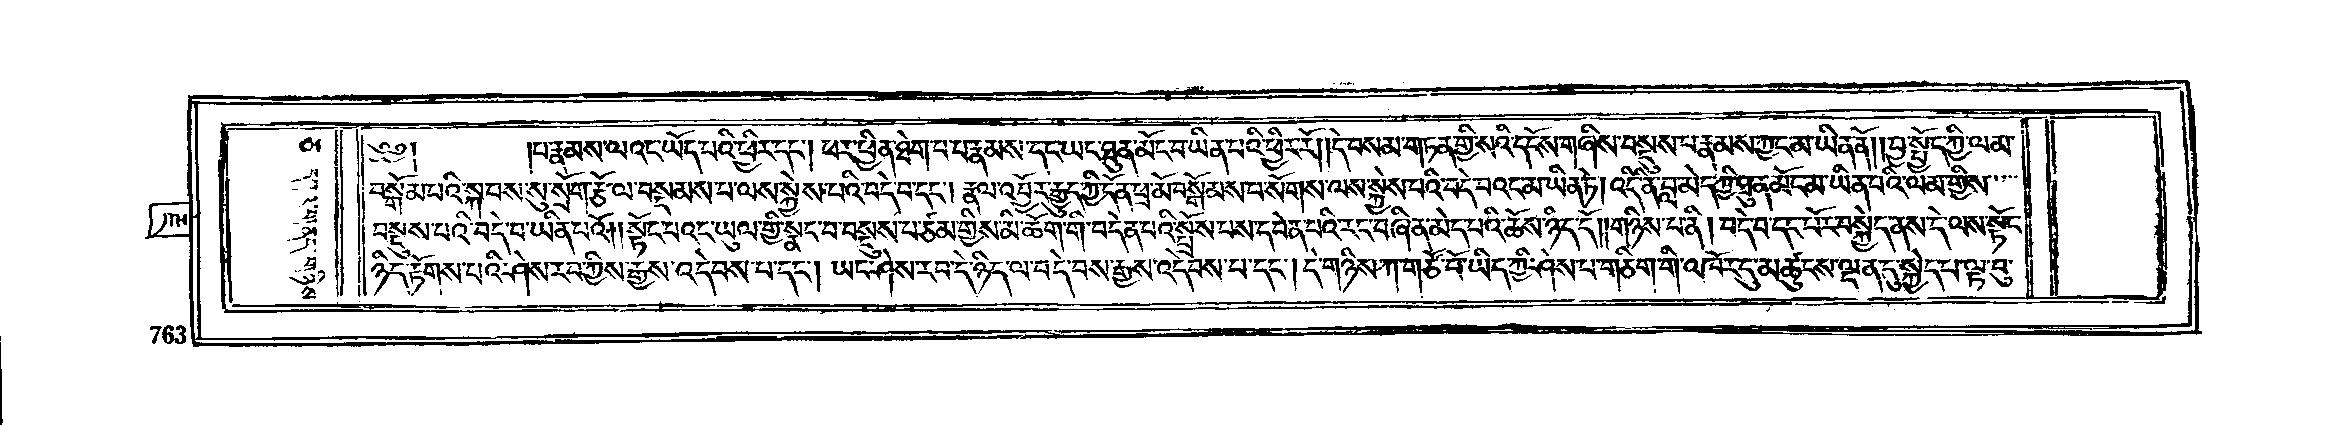༄༅། །པ་རྣམས་ལའང་ཡོད་པའི་ཕྱིར་དང་། ཕར་ཕྱིན་ཐེག་པ་བ་རྣམས་དང་ཡང་ཐུན་མོང་བ་ཡིན་པའི་ཕྱིར་རོ། །དེ་བསམ་གཏན་གྱི་སའི་དངོས་གཞིས་བསྡུས་པ་རྣམས་ཀྱང་མ་ཡིན་ནོ། །བྱ་སྤྱོད་ཀྱི་ལམ་
བསྒོམ་པའི་སྐབས་སུ་སྲོག་རྩོལ་བསྡམས་པ་ལས་སྐྱེས་པའི་བདེ་བ་དང་། རྣལ་འབྱོར་རྒྱུད་ཀྱི་དོན་ཕྲ་མོ་བསྒོམས་པ་སོགས་ལས་སྐྱེས་པའི་བདེ་བའང་མ་ཡིན་ཏེ། འདི་ནི་བླ་མེད་ཀྱི་ཐུན་མོང་མ་ཡིན་པའི་ལམ་གྱིས་
བསྡུས་པའི་བདེ་བ་ཡིན་པའོ། །སྟོང་པའང་ཡུལ་གྱི་སྣང་བ་བསྡུས་པ་ཙམ་གྱིས་མི་ཆོག་གི་བདེན་པའི་སྤྲོས་པས་དབེན་པའི་རང་བཞིན་མེད་པའི་ཆོས་ཉིད་དོ། །གཉིས་པ་ནི། བདེ་བ་དང་པོར་བསྐྱེད་ནས་དེ་ལས་སྟོང་
ཉིད་རྟོགས་པའི་ཤེས་རབ་ཀྱིས་རྒྱས་འདེབས་པ་དང་། ཡང་ཤེས་རབ་དེ་ཉིད་ལ་བདེ་བས་རྒྱས་འདེབས་པ་དང་། དེ་གཉིས་ཀ་གཙོ་བོ་ཡིད་ཀྱི་ཤེས་པ་གཅིག་གི་འཁོར་དུ་མཚུངས་ལྡན་དུ་སྐྱེད་པ་ལྟ་བུ་